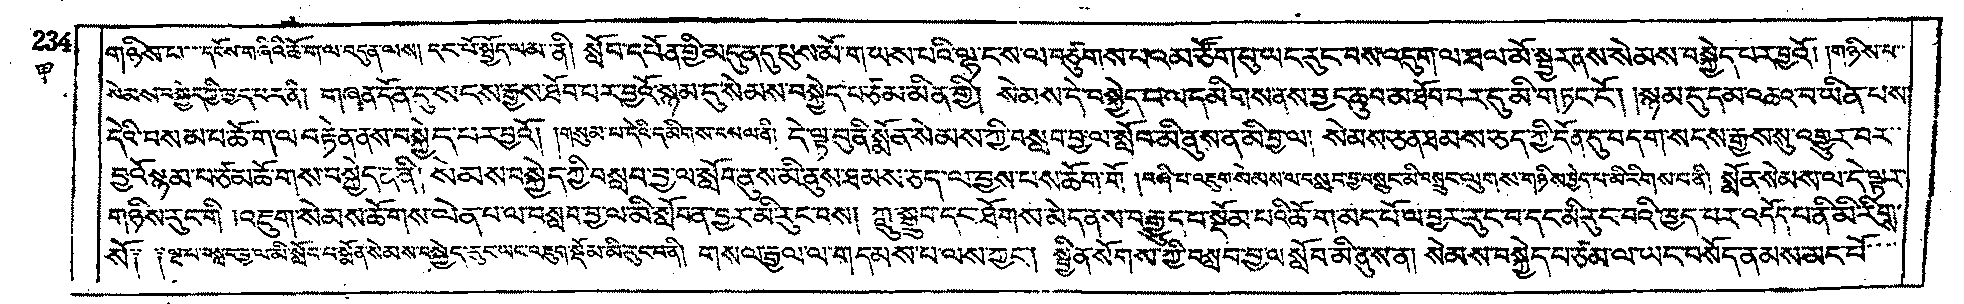གཉིས་པདངོས་གཞིའི་ཆོ་ག་ལ་བདུན་ལས། དང་པོ་སྤྱོད་ལམ་ནི། སློབ་དཔོན་གྱི་མདུན་དུ་པུས་མོ་གཡས་པའི་ལྷ་ང་ས་ལ་བཙུགས་པའམ་ཙོག་པུ་ཡང་རུང་བས་འདུག་ལ་ཐལ་མོ་སྦྱར་ནས་སེམས་བསྐྱེད་པར་བྱའོ། །གཉིས་པ་
སེམས་བསྐྱེད་ཀྱི་ཁྱད་པར་ནི། གཞན་དོན་དུ་སངས་རྒྱས་ཐོབ་པར་བྱའོ་སྙམ་དུ་སེམས་བསྐྱེད་པ་ཙམ་མིན་གྱི། སེམས་དེ་བསྐྱེད་པ་ལ་དམིགས་ནས་བྱང་ཆུབ་མ་ཐོབ་བར་དུ་མི་གཏང་ངོ། །སྙམ་དུ་དམ་མཆའ་བ་ཡིན་པས་
དེའི་བསམ་པ་ཆོ་ག་ལ་བརྟེན་ནས་བསྐྱེད་པར་བྱའོ། །གསུམ་པ་དེའི་དམིགས་བསལ་ནི།  དེ་ལྟ་བུ་ནི་སྨོན་སེམས་ཀྱི་བསླབ་བྱ་ལ་སློབ་མི་ནུས་ན་མི་བྱ་ལ། སེམས་ཅན་ཐམས་ཅད་ཀྱི་དོན་དུ་བདག་སངས་རྒྱས་སུ་འགྱུར་བར་
བྱའོ་སྙམ་པ་ཙམ་ཆོ་གས་བསྐྱེད་ན་ནི། སེམས་བསྐྱེད་ཀྱི་བསླབ་བྱ་ལ་སློབ་ནུས་མི་ནུས་ཐམས་ཅད་ལ་བྱས་པས་ཆོག་གོ། །བཞི་པ་འཇུག་སེམས་ལ་བསླབ་བྱ་བསྲུང་མི་བསྲུང་ལུགས་གཉིས་བྱེད་པ་མི་རིགས་པ་ནི།  སྨོན་སེམས་ལ་དེ་ལྟར་
གཉིས་རུང་གི །འཇུག་སེམས་ཆོ་གས་ལེན་པ་ལ་བསླབ་བྱ་ལ་མི་སློབ་ན་བྱར་མི་རུང་བས། ཀླུ་སྒྲུབ་དང་ཐོགས་མེད་ནས་བརྒྱུད་པ་སྡོམ་པའི་ཆོ་ག་མང་པོ་ལ་བྱར་རུང་བ་དང་མི་རུང་བའི་ཁྱད་པར་འདོད་པ་ནི་མི་རིགས་
སོ༑ ༑ལྔ་པ་བསླབ་བྱ་ལ་མི་སློབ་པ་སྨོན་སེམས་བསྐྱེད་རུང་ཡང་འཇུག་སྡོམ་མི་རུང་བ་ནི། གསལ་རྒྱལ་ལ་གདམས་པ་ལས་ཀྱང་། སྦྱིན་སོགས་ཀྱི་བསླབ་བྱ་ལ་སློབ་མི་ནུས་ན། སེམས་བསྐྱེད་པ་ཙམ་ལ་ཡང་བསོད་ནམས་མང་པོ་